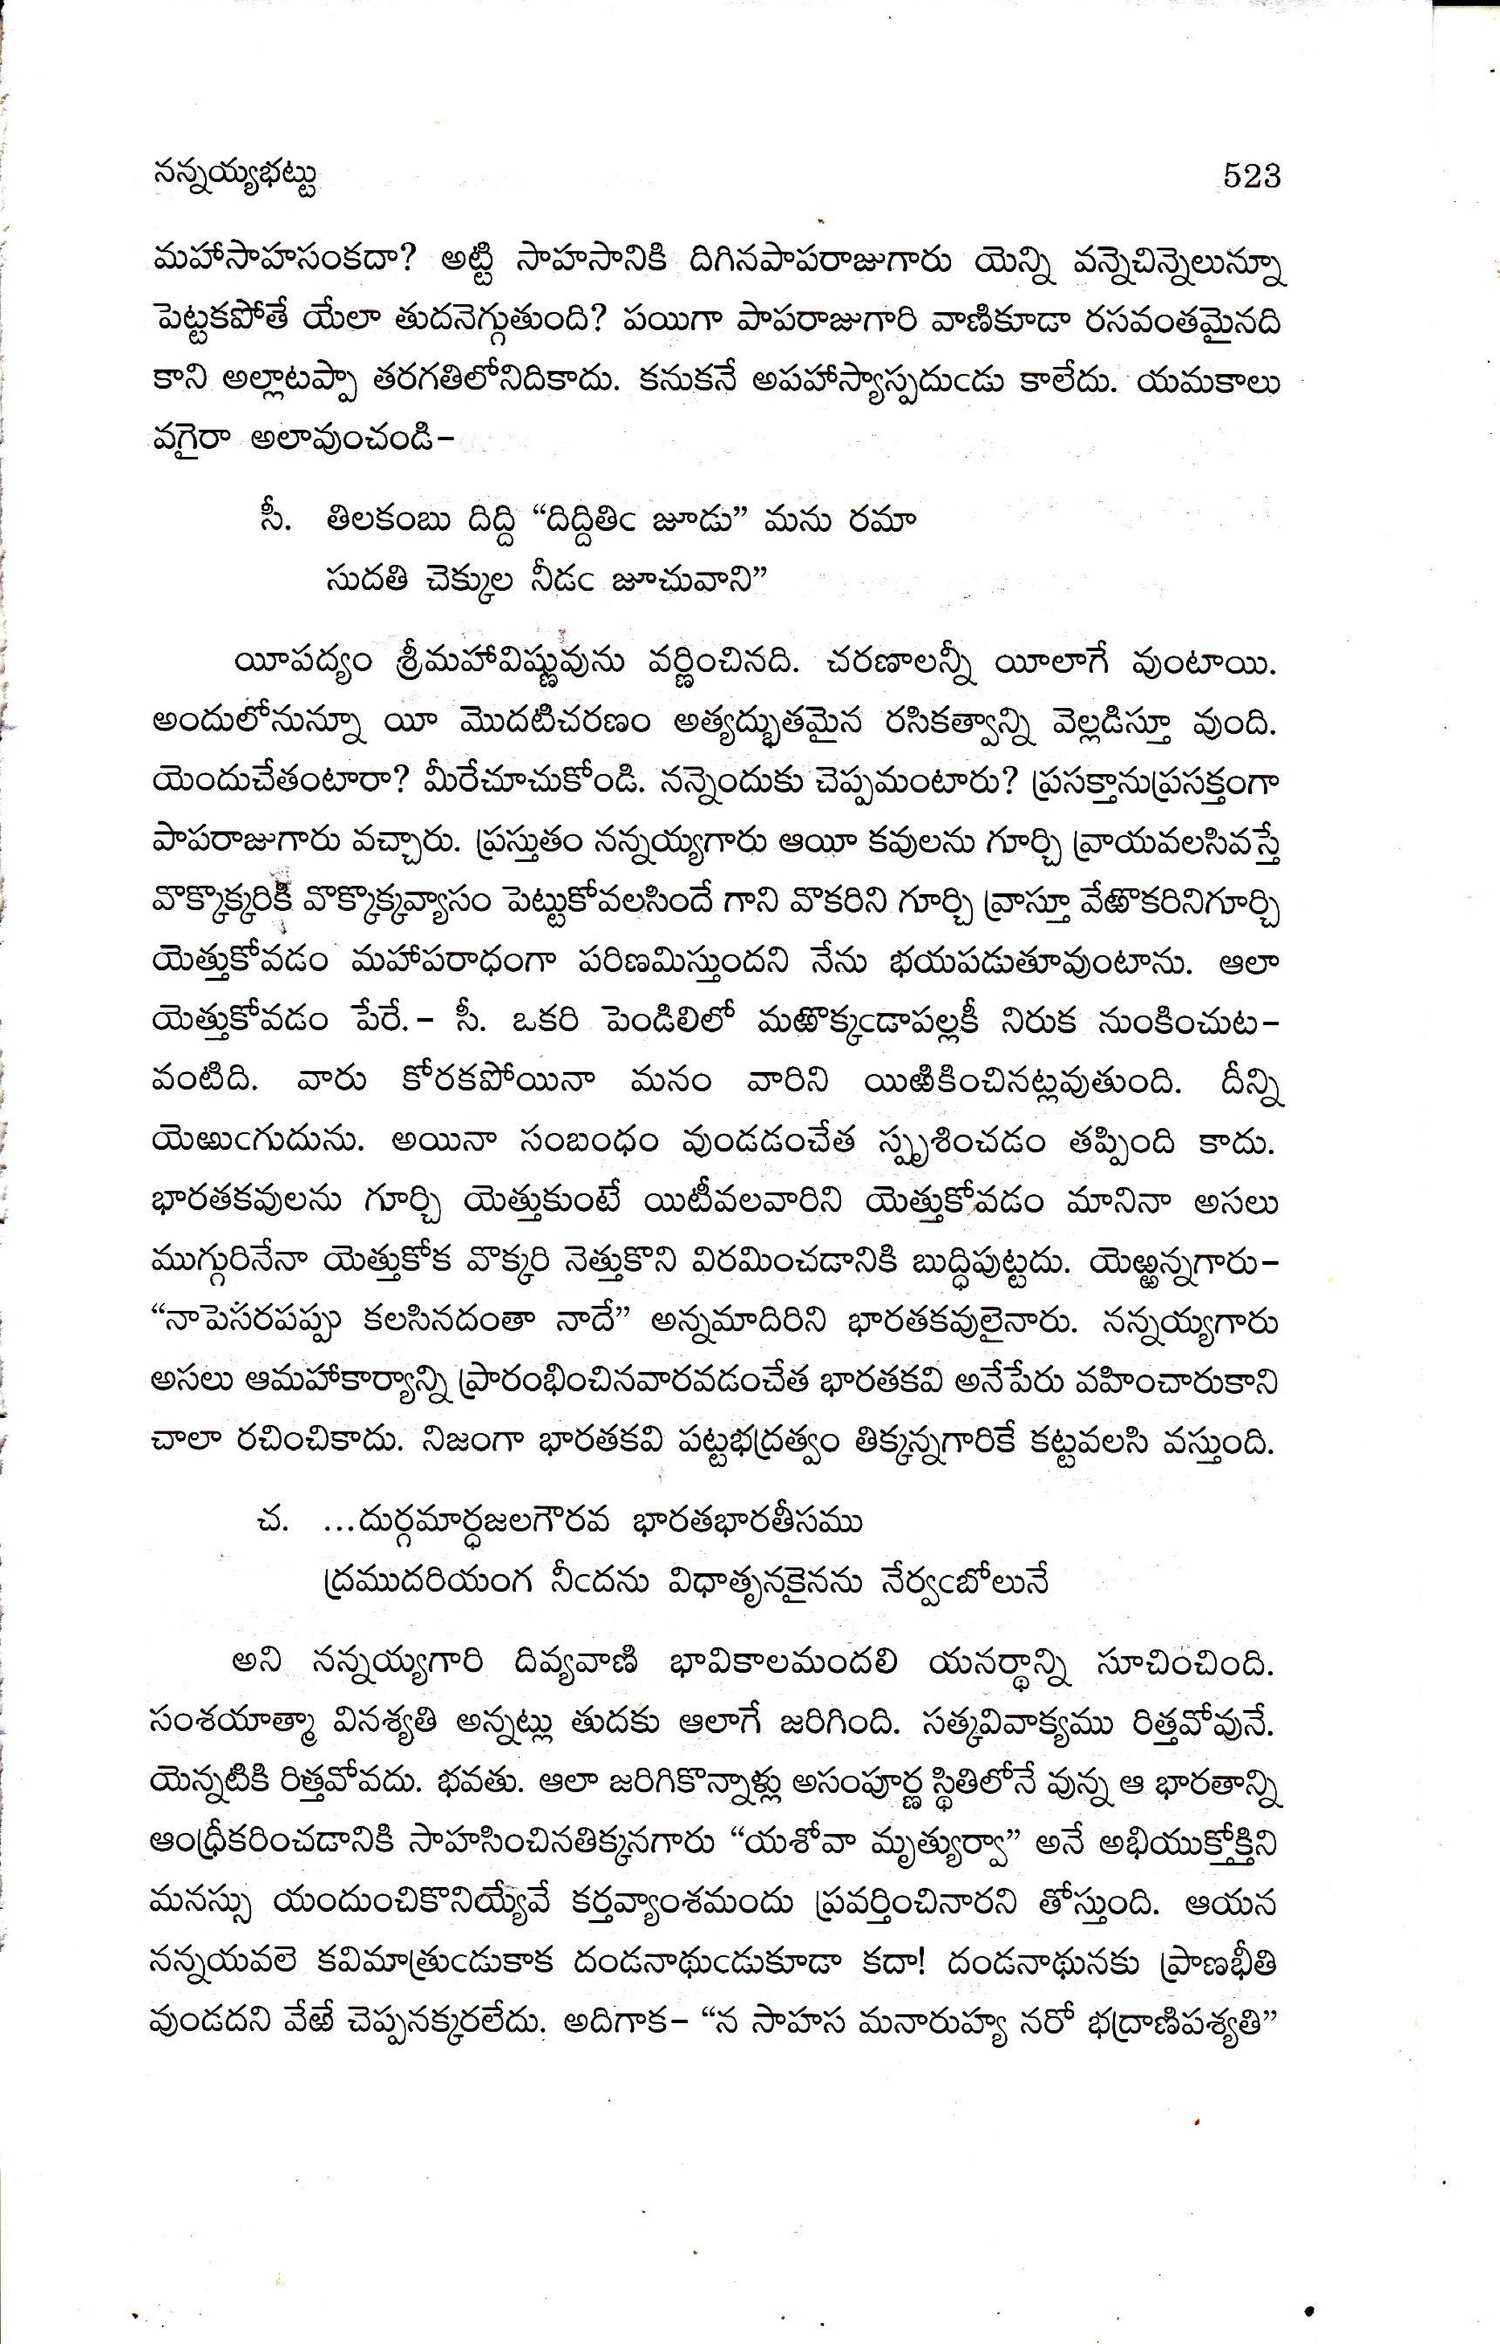మహాసాహసంకదా? అట్టి సాహసానికి దిగినపాపరాజుగారు యెన్ని వన్నెచిన్నెలున్నూ పెట్టకపోతే యేలా తుదనెగ్గుతుంది? పయిగా పాపరాజుగారి వాణికూడా రసవంతమైనది కాని అల్లాటప్పా తరగతిలోనిదికాదు. కనుకనే అపహాస్యాస్పదుఁడు కాలేదు. యమకాలు వగైరా అలావుంచండి- 

సీ. తిలకంబు దిద్ది "దిద్దితిఁ జూడు" మను రమా
 సుదతి చెక్కుల నీడఁ జూచువాని"
యీపద్యం శ్రీమహావిష్ణువును వర్ణించినది. చరణాలన్నీ యీలాగే వుంటాయి. అందులోనున్నూ యీ మొదటిచరణం అత్యద్భుతమైన రసికత్వాన్ని వెల్లడిస్తూ వుంది. యెందుచేతంటారా? మీరేచూచుకోండి. నన్నెందుకు చెప్పమంటారు? ప్రసక్తానుప్రసక్తంగా పాపరాజుగారు వచ్చారు. ప్రస్తుతం నన్నయ్యగారు ఆయీ కవులను గూర్చి వ్రాయవలసివస్తే వొక్కొక్కరికి వొక్కొక్కవ్యాసం పెట్టుకోవలసిందే గాని వొకరిని గూర్చి వ్రాస్తూ వేఱొకరినిగూర్చి యెత్తుకోవడం మహాపరాధంగా పరిణమిస్తుందని నేను భయపడుతూవుంటాను. ఆలా యెత్తుకోవడం పేరే. - సీ. ఒకరి పెండిలిలో మఱొక్కఁడాపల్లకీ నిరుక నుంకించుటవంటిది. వారు కోరకపోయినా మనం వారిని యిఱికించినట్లవుతుంది. దీన్ని యెఱుఁగుదును. అయినా సంబంధం వుండడంచేత స్పృశించడం తప్పింది కాదు. భారతకవులను గూర్చి యెత్తుకుంటే యిటీవలవారిని యెత్తుకోవడం మానినా అసలు ముగ్గురినేనా యెత్తుకోక వొక్కరి నెత్తుకొని విరమించడానికి బుద్ధిపుట్టదు. యెఱ్ఱన్నగారు “నాపెసరపప్పు కలసినదంతా నాదే" అన్నమాదిరిని భారతకవులైనారు. నన్నయ్యగారు అసలు ఆమహాకార్యాన్ని ప్రారంభించినవారవడంచేత భారతకవి అనేపేరు వహించారుకాని చాలా రచించికాదు. నిజంగా భారతకవి పట్టభద్రత్వం తిక్కన్నగారికే కట్టవలసి వస్తుంది.

చ. ...దుర్గమార్ధజలగౌరవ భారతభారతీసము
 ద్రముదరియంగ నీఁదను విధాతృనకైనను నేర్వఁబోలునే
అని నన్నయ్యగారి దివ్యవాణి భావికాలమందలి యనర్థాన్ని సూచించింది. సంశయాత్మా వినశ్యతి అన్నట్లు తుదకు ఆలాగే జరిగింది. సత్కవివాక్యము రిత్తవోవునే. యెన్నటికి రిత్తవోవదు. భవతు. ఆలా జరిగికొన్నాళ్లు అసంపూర్ణ స్థితిలోనే వున్న ఆ భారతాన్ని ఆంద్రీకరించడానికి సాహసించినతిక్కనగారు “యశోవా మృత్యుర్వా" అనే అభియుక్తోక్తిని మనస్సు యందుంచికొనియ్యేవే కర్తవ్యాంశమందు ప్రవర్తించినారని తోస్తుంది. ఆయన నన్నయవలె కవిమాత్రుఁడుకాక దండనాథుఁడుకూడా కదా! దండనాథునకు ప్రాణభీతి వుండదని వేఱే చెప్పనక్కరలేదు. అదిగాక– “న సాహస మనారుహ్య నరో భద్రాణిపశ్యతి"